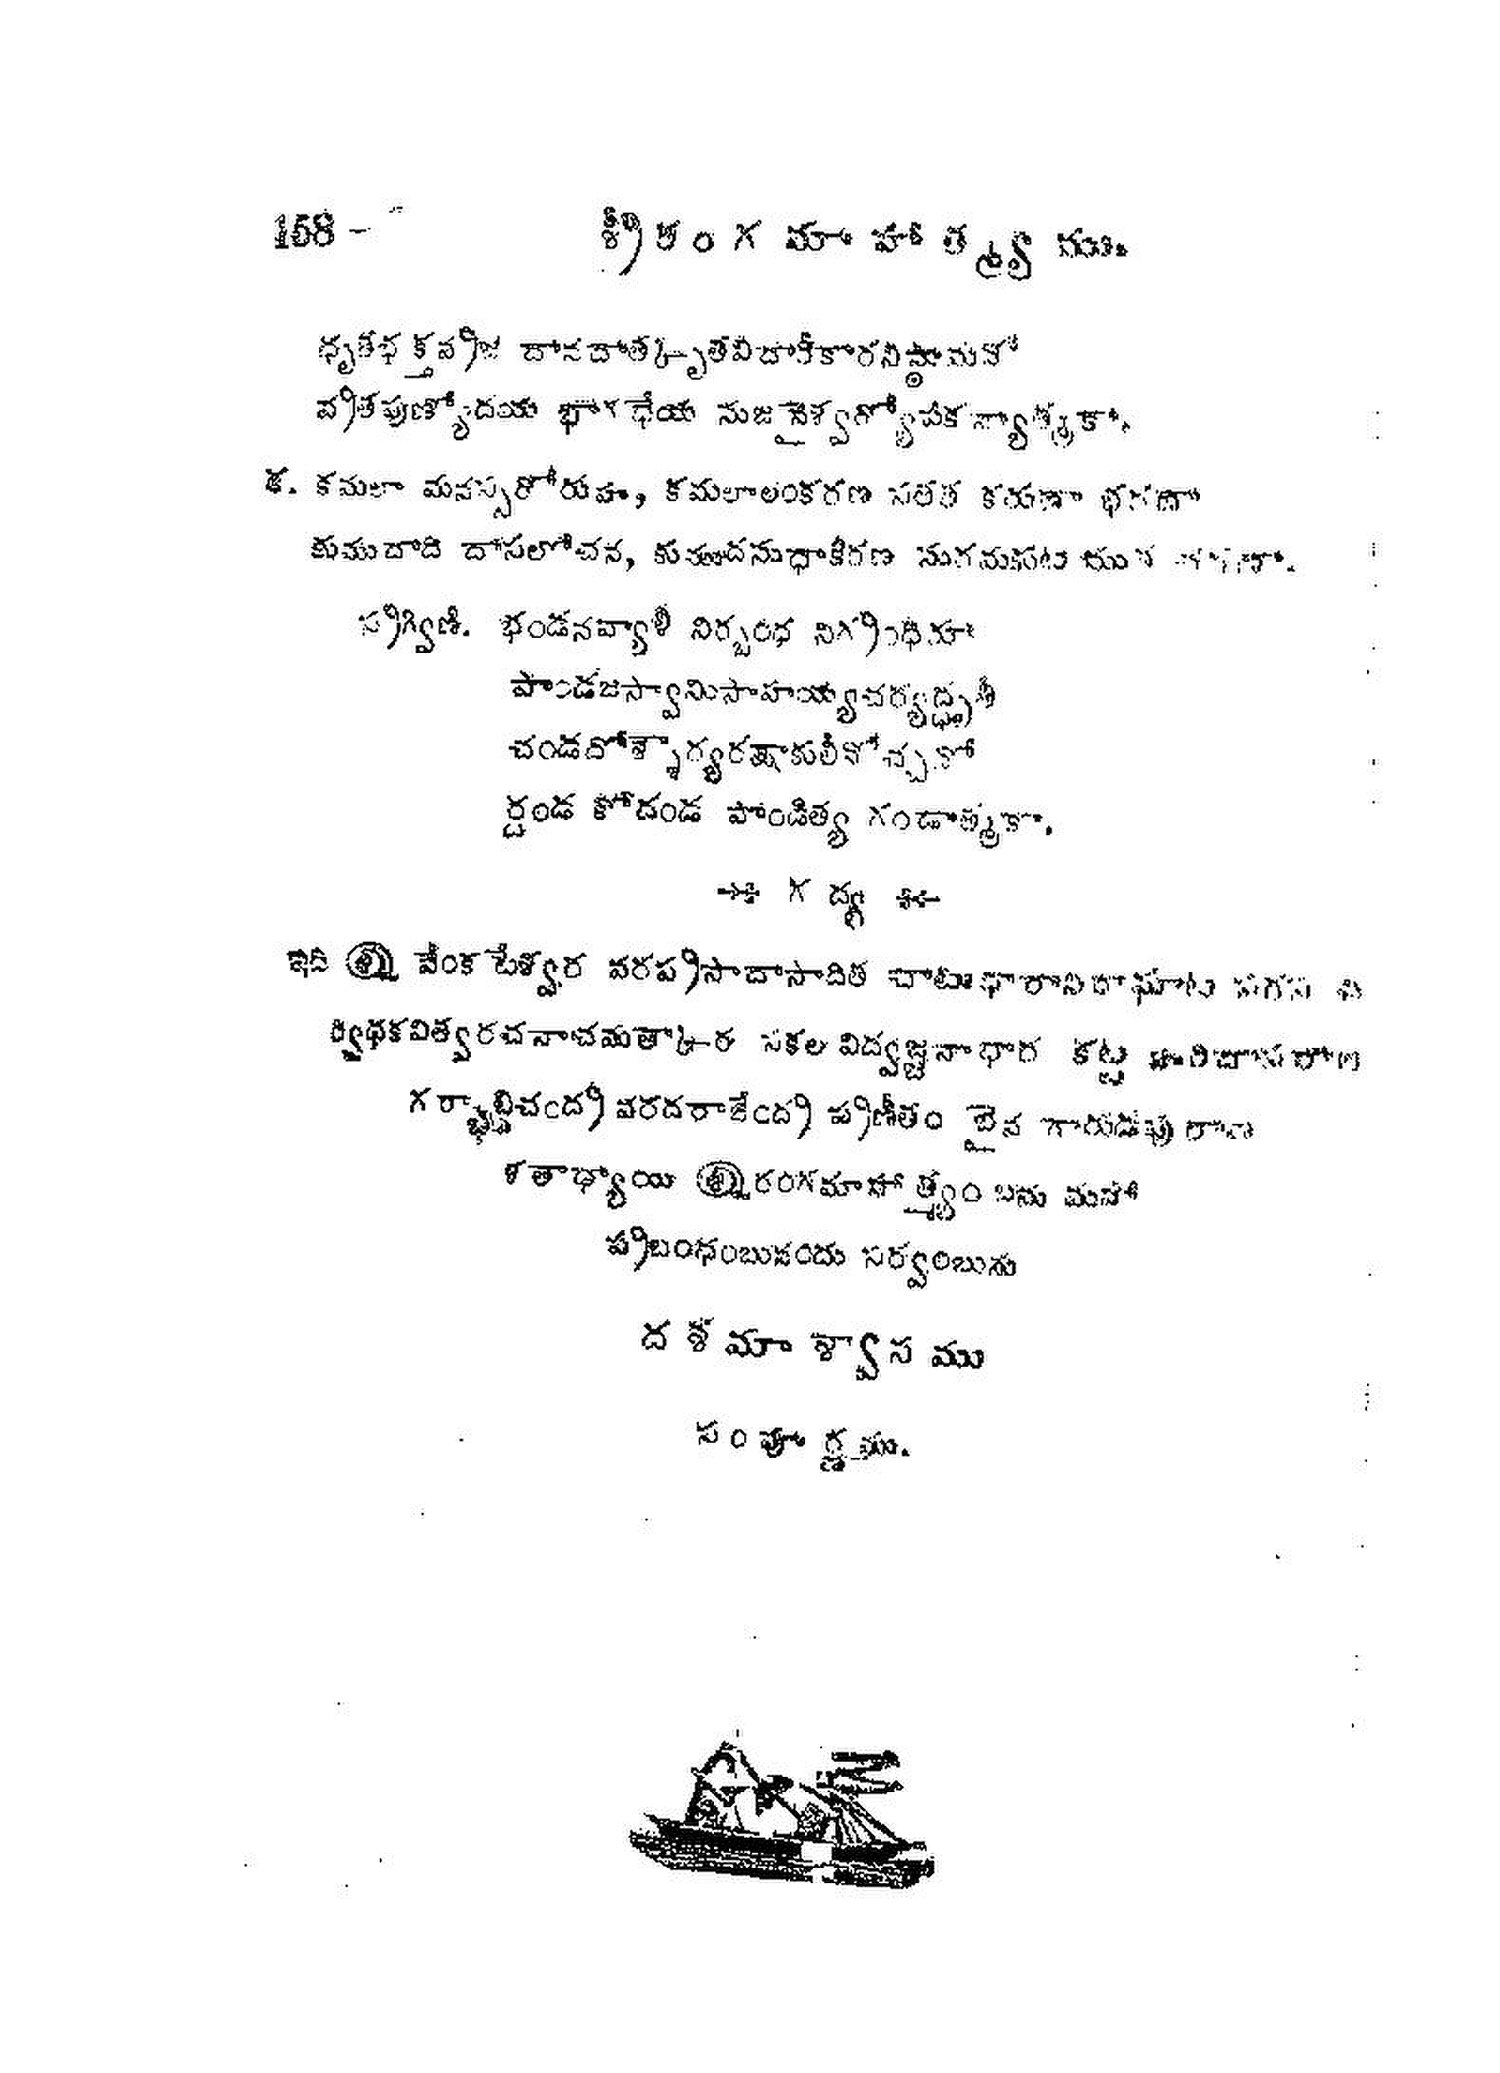ధృతభక్తవ్రజదానదాత్కృతవిదారీకారనిష్ఠామనో
 వ్రతపుణ్యోదయభాగధేయ సుజనైశ్వర్యోపకన్యాత్మకా.
క. కమలామనస్సరోరుహ, కమలాలంకరణ సతత కరుణా భరణా
 కుముదాది దాసలోచన, కుముదసుధాకిరణ సురమకుటయుతచరణా.
స్రగ్విణి. భండనవ్యాళి నిర్బంధ నిగ్రంధిరూ
 పాండజస్వామిసాహయ్యచర్యద్ధృతీ
 చండదోశ్శౌర్యరక్షాకులీనోచ్చదో
 ర్దండ కోదండ పాండిత్య గండాత్మకా.